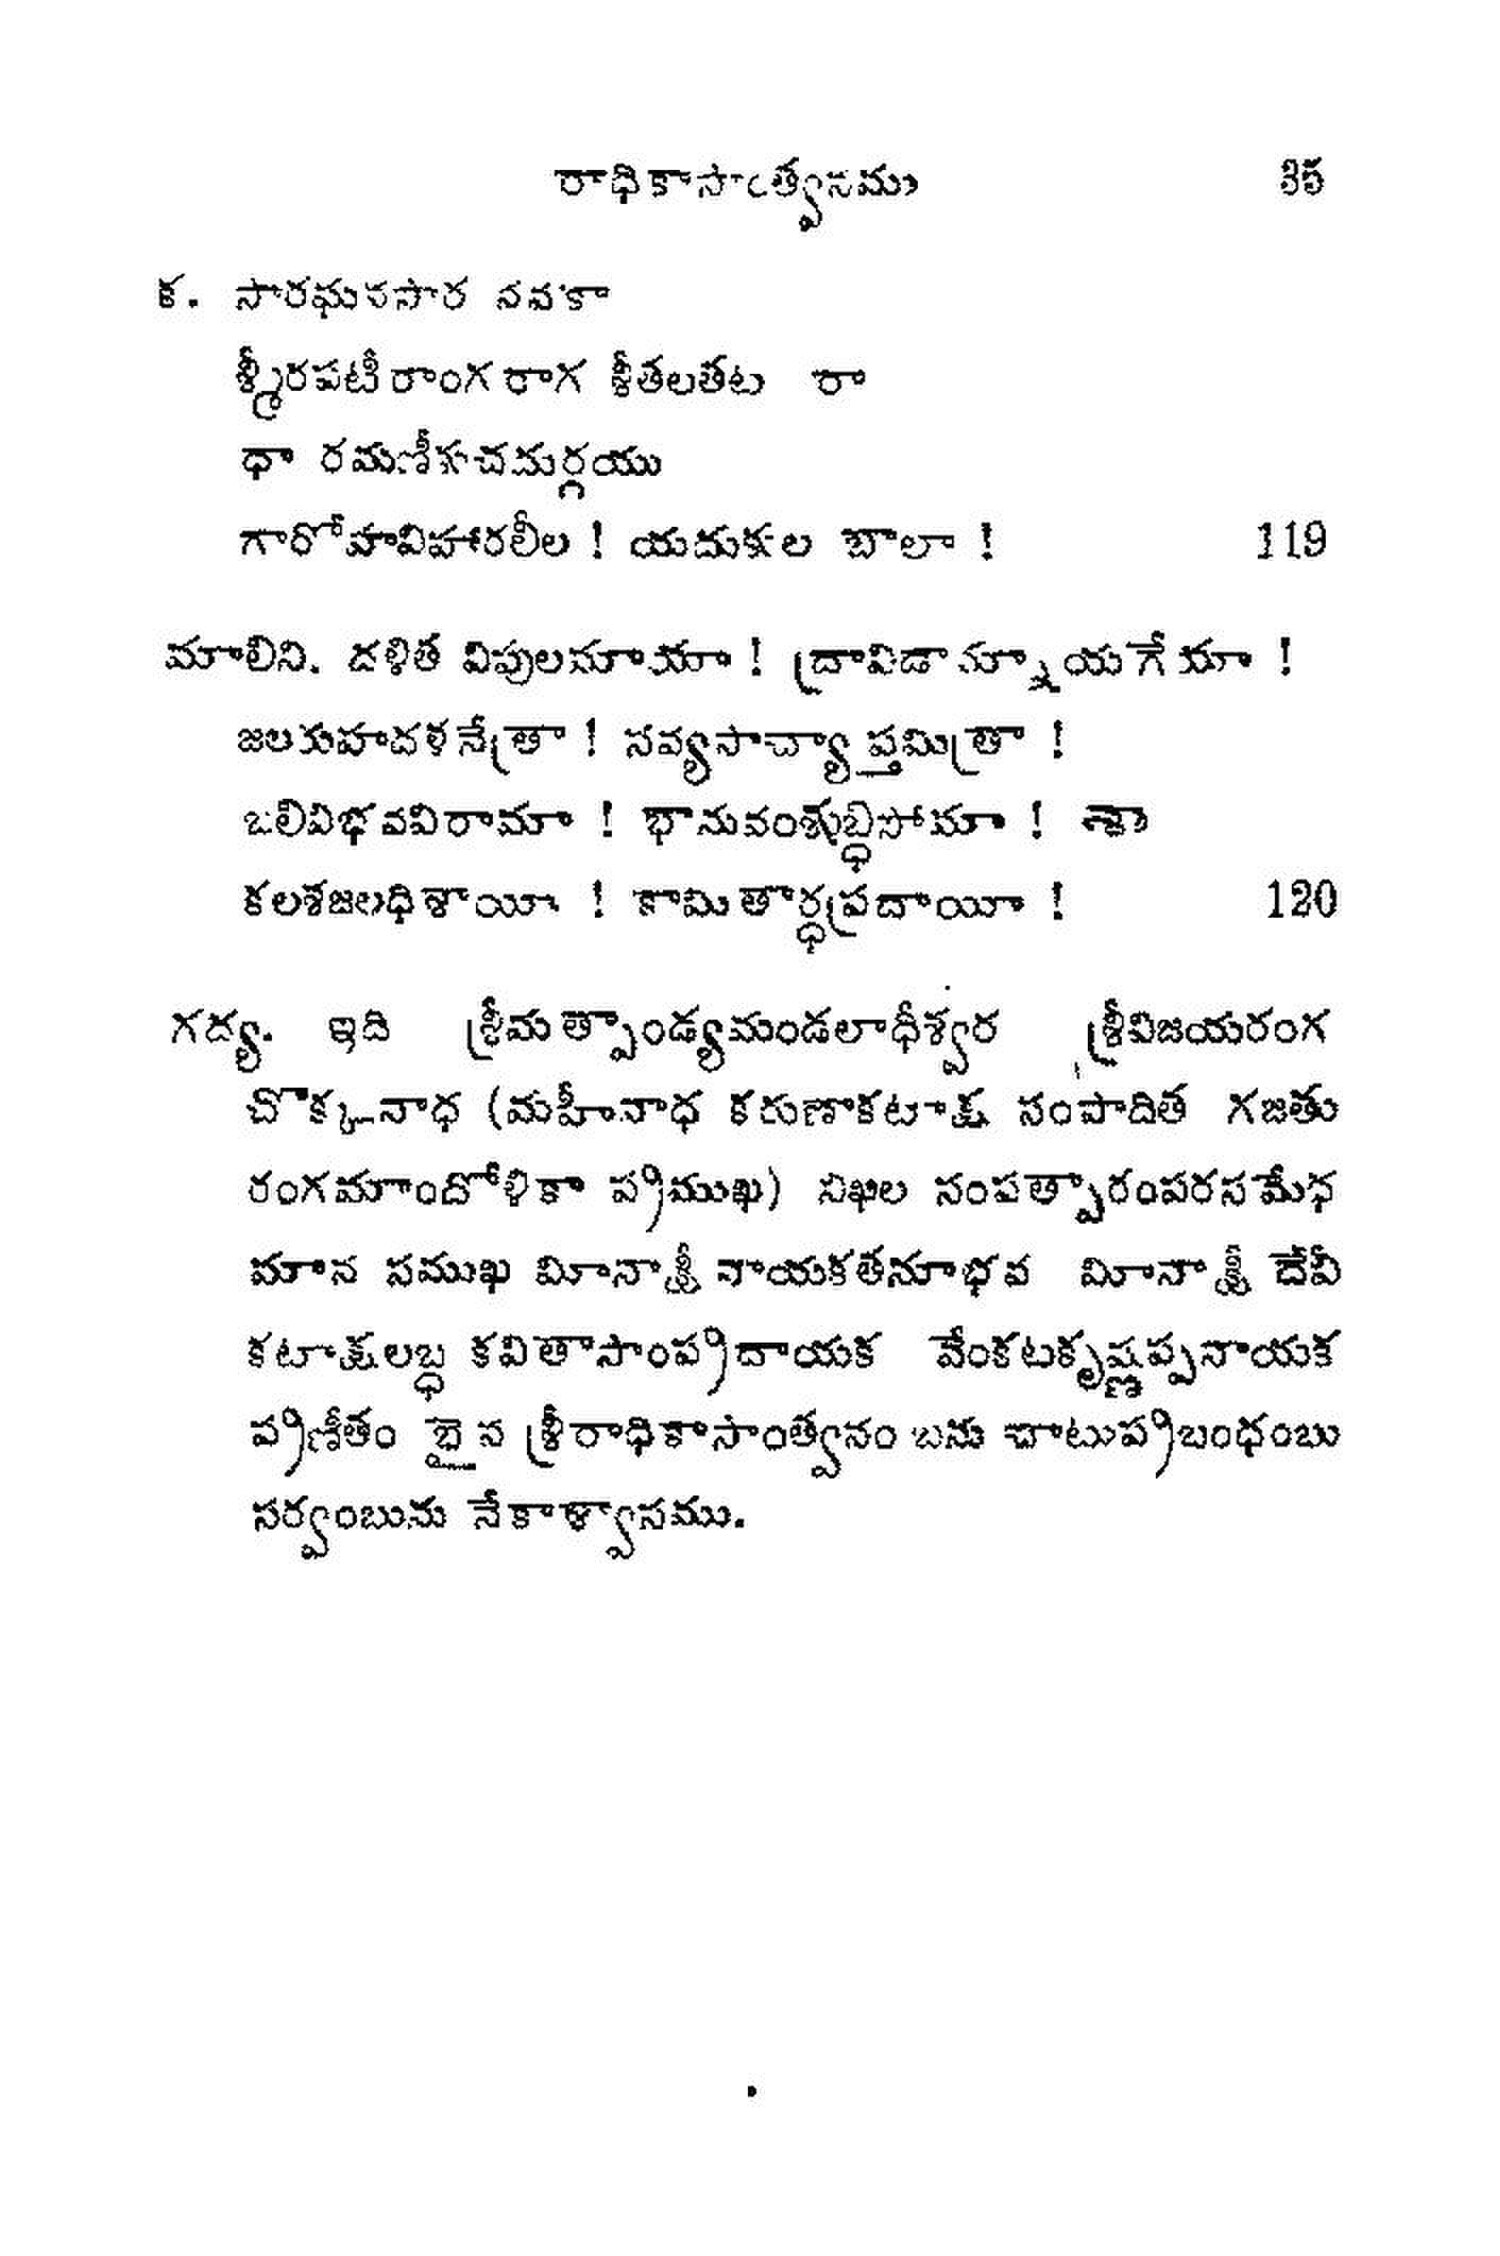క. సారఘనసారనవకా
శ్మీరపటీరాంగరాగశీతలతటరా
ధారమణీకుచదుర్గయు
గారోహవిహారలీల! యదుకులబాలా! 119

మాలిని. దళితవిపులమాయా! ద్రావిడామ్నాయగేయా!
జలరుహదళనేత్రా! సవ్యసాచ్యాప్తమిత్రా!
బలివిభవవిరామా! భానువంశాబ్దిసోమా!
కలశజలధిశాయీ! కామితార్థప్రదాయీ! 120

గద్య. ఇది శ్రీమత్పాండ్యమండలాధీశ్వర శ్రీవిజయరంగచొక్కనాథ (మహీనాథ కరుణాకటాక్ష సంపాదిత గజతురంగమాందోళికా ప్రముఖ) నిఖిల సంపత్పారంపరసమేధమాన సముఖ మీనాక్షీ నాయకతనూభవ మీనాక్షీదేవీ కటాక్షలబ్ధ కవితాసాంప్రదాయక వేంకటకృష్ణప్పనాయక ప్రణీతం బైన శ్రీరాధికాసాంత్వనం బను చాటుప్రబంధంబు సర్వంబును నేకాశ్వాసము.